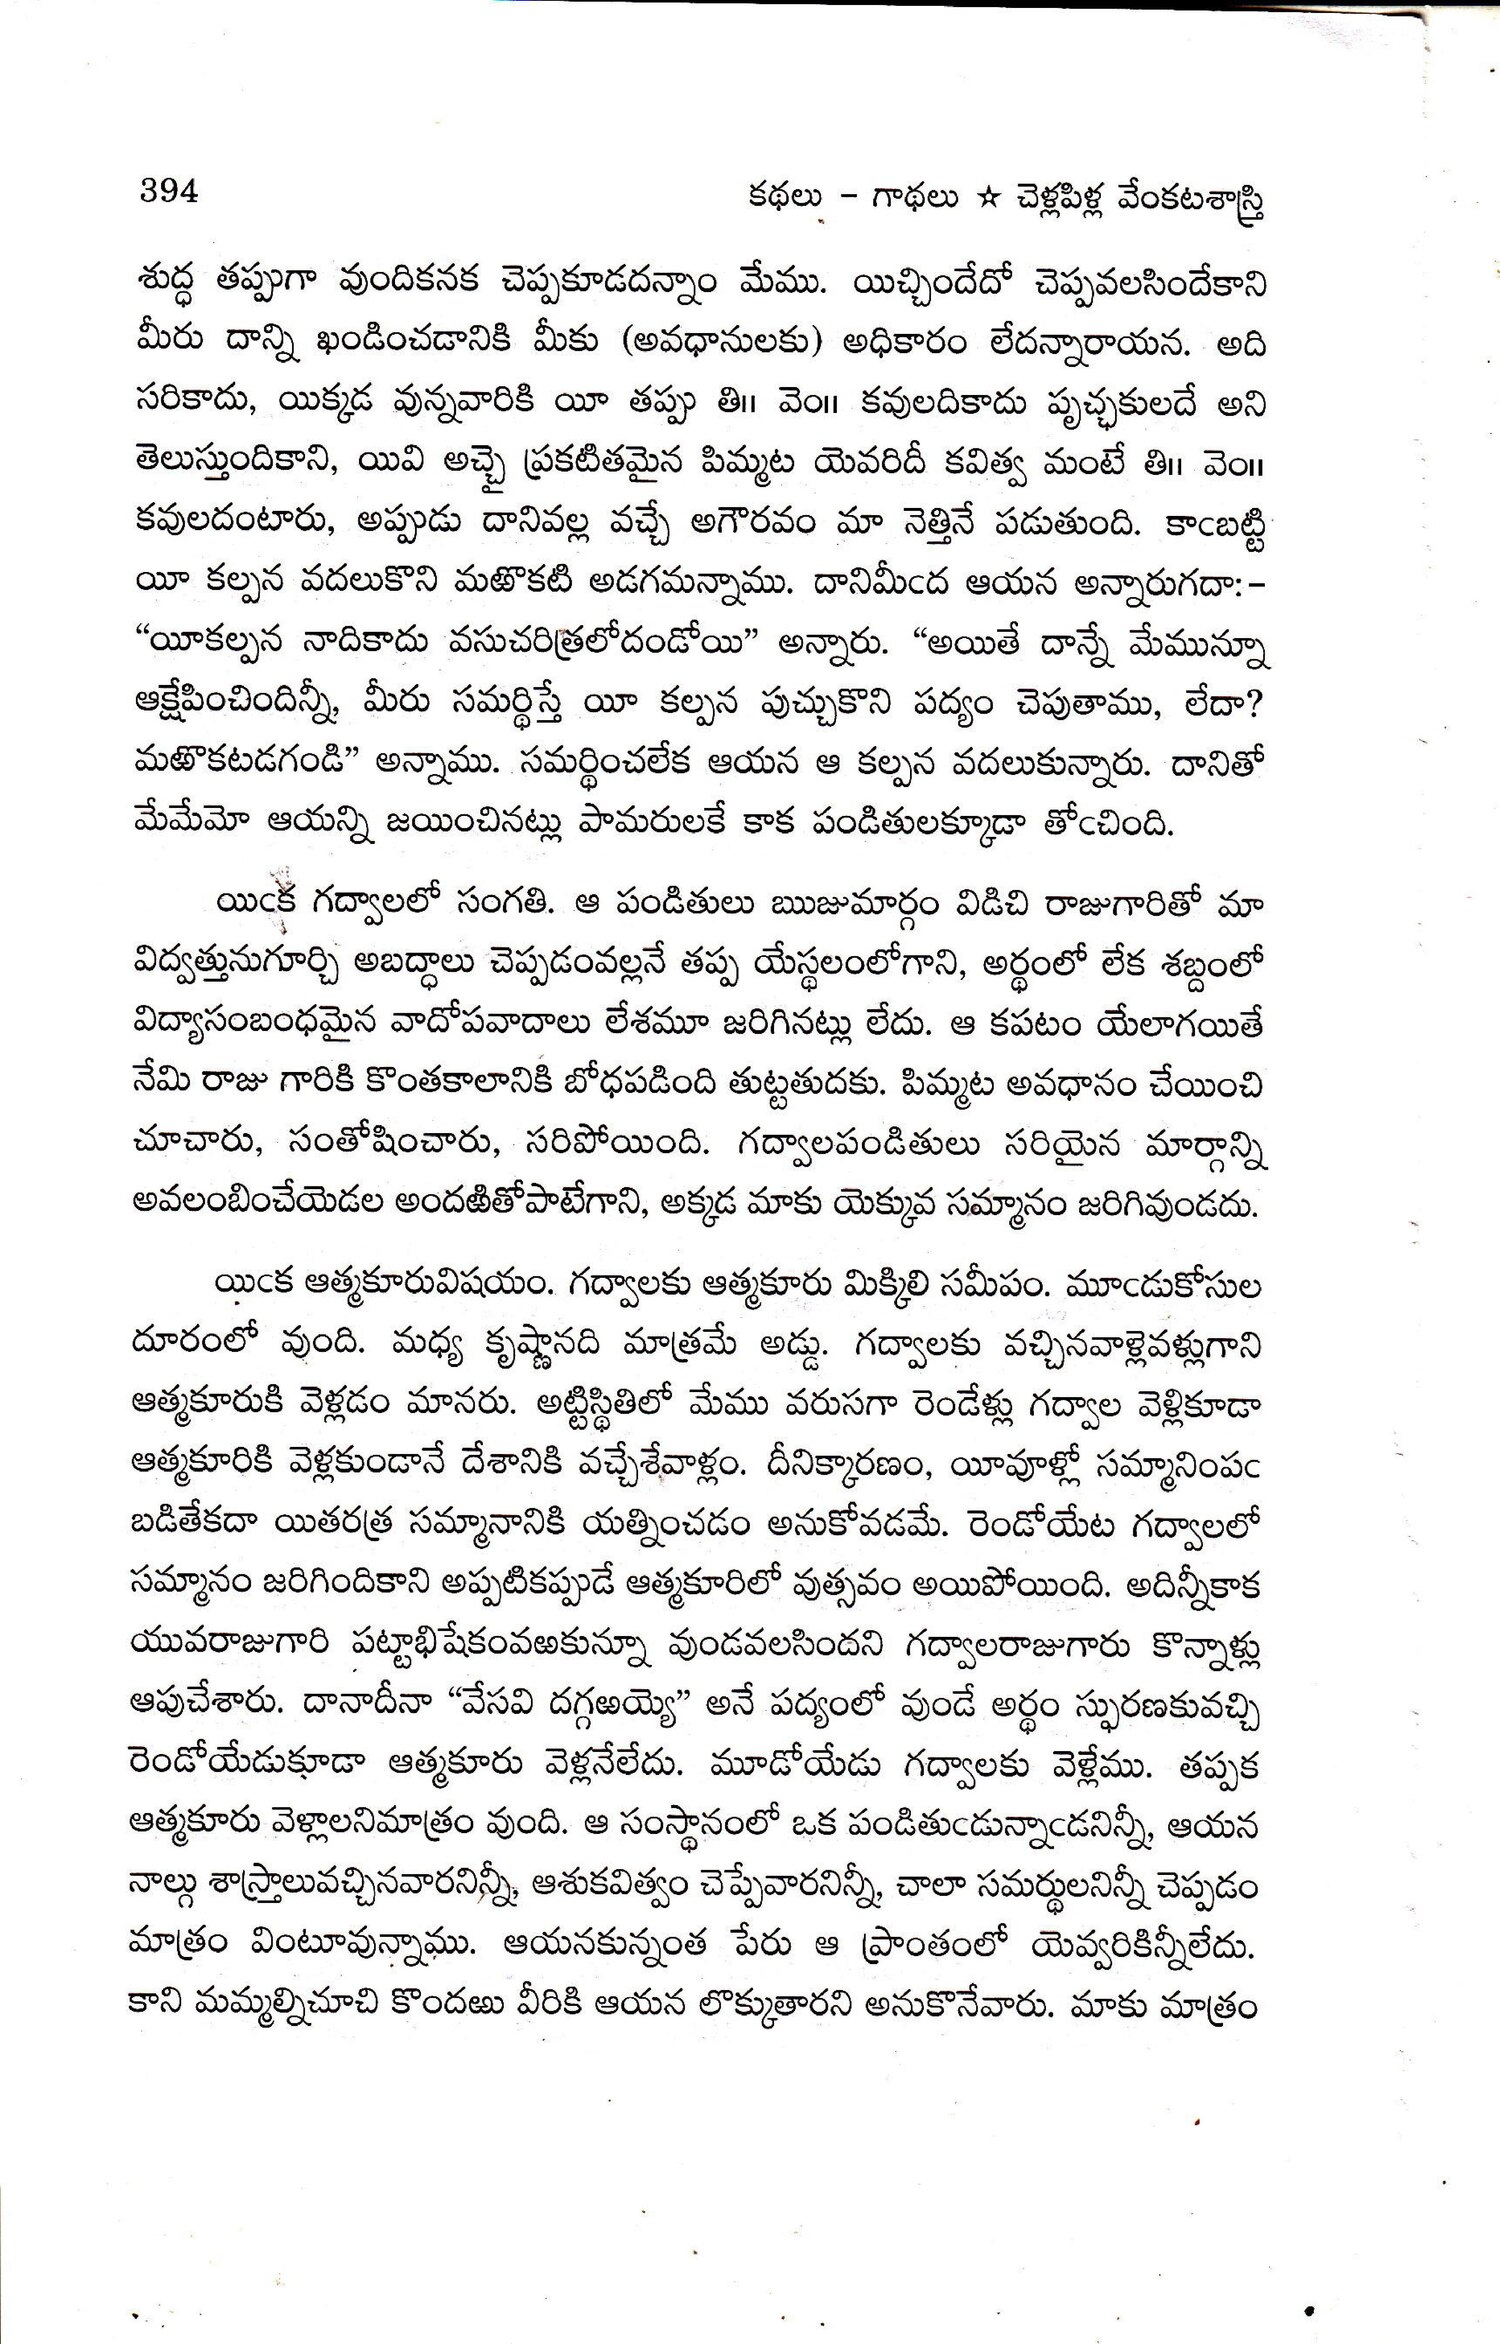శుద్ధ తప్పుగా వుందికనక చెప్పకూడదన్నాం మేము. యిచ్చిందేదో చెప్పవలసిందేకాని మీరు దాన్ని ఖండించడానికి మీకు (అవధానులకు) అధికారం లేదన్నారాయన. అది సరికాదు, యిక్కడ వున్నవారికి యీ తప్పు తి|| వెం|| కవులదికాదు పృచ్ఛకులదే అని తెలుస్తుందికాని, యివి అచ్చై ప్రకటితమైన పిమ్మట యెవరిదీ కవిత్వ మంటే తి|| వెం|| కవులదంటారు, అప్పుడు దానివల్ల వచ్చే అగౌరవం మా నెత్తినే పడుతుంది. కాcబట్టి యీ కల్పన వదలుకొని మఱొకటి అడగమన్నాము. దానిమీఁద ఆయన అన్నారుగదా:- "యీకల్పన నాదికాదు వసుచరిత్రలోదండోయి" అన్నారు. “అయితే దాన్నే మేమున్నూ ఆక్షేపించిందిన్నీ మీరు సమర్ధిస్తే యీ కల్పన పుచ్చుకొని పద్యం చెపుతాము, లేదా? మఱొకటడగండి" అన్నాము. సమర్ధించలేక ఆయన ఆ కల్పన వదలుకున్నారు. దానితో మేమేమో ఆయన్ని జయించినట్లు పామరులకే కాక పండితులక్కూడా తోఁచింది.

యిఁక గద్వాలలో సంగతి. ఆ పండితులు ఋజుమార్గం విడిచి రాజుగారితో మా విద్వత్తునుగూర్చి అబద్ధాలు చెప్పడంవల్లనే తప్ప యేస్థలంలోగాని, అర్థంలో లేక శబ్దంలో విద్యాసంబంధమైన వాదోపవాదాలు లేశమూ జరిగినట్లు లేదు. ఆ కపటం యేలాగయితే నేమి రాజు గారికి కొంతకాలానికి బోధపడింది తుట్టతుదకు. పిమ్మట అవధానం చేయించి చూచారు, సంతోషించారు, సరిపోయింది. గద్వాలపండితులు సరియైన మార్గాన్ని అవలంబించేయెడల అందఱితోపాటేగాని, అక్కడ మాకు యొక్కువ సమ్మానం జరిగివుండదు.

యిఁక ఆత్మకూరువిషయం. గద్వాలకు ఆత్మకూరు మిక్కిలి సమీపం. మూఁడుకోసుల దూరంలో వుంది. మధ్య కృష్ణానది మాత్రమే అడ్డు. గద్వాలకు వచ్చినవాళ్లెవళ్లుగాని ఆత్మకూరుకి వెళ్లడం మానరు. అట్టిస్థితిలో మేము వరుసగా రెండేళ్లు గద్వాల వెళ్లికూడా ఆత్మకూరికి వెళ్లకుండానే దేశానికి వచ్చేశేవాళ్లం. దీనిక్కారణం, యీవూళ్లో సమ్మానింపఁ బడితేకదా యితరత్ర సమ్మానానికి యత్నించడం అనుకోవడమే. రెండోయేట గద్వాలలో సమ్మానం జరిగిందికాని అప్పటికప్పుడే ఆత్మకూరిలో వుత్సవం అయిపోయింది. అదిన్నీకాక యువరాజుగారి పట్టాభిషేకంవఱకున్నూ వుండవలసిందని గద్వాలరాజుగారు కొన్నాళ్లు ఆపుచేశారు. దానాదీనా "వేసవి దగ్గఱయ్యె" అనే పద్యంలో వుండే అర్థం స్ఫురణకువచ్చి రెండోయేడుకూడా ఆత్మకూరు వెళ్లనేలేదు. మూడోయేడు గద్వాలకు వెళ్లేము. తప్పక ఆత్మకూరు వెళ్లాలనిమాత్రం వుంది. ఆ సంస్థానంలో ఒక పండితుఁడున్నాఁడనిన్నీ ఆయన నాల్గు శాస్త్రాలువచ్చినవారనిన్నీ ఆశుకవిత్వం చెప్పేవారనిన్నీ చాలా సమర్థులనిన్నీ చెప్పడం మాత్రం వింటూవున్నాము. ఆయనకున్నంత పేరు ఆ ప్రాంతంలో యెవ్వరికిన్నీలేదు. కాని మమ్మల్నిచూచి కొందఱు వీరికి ఆయన లొక్కుతారని అనుకొనేవారు. మాకు మాత్రం